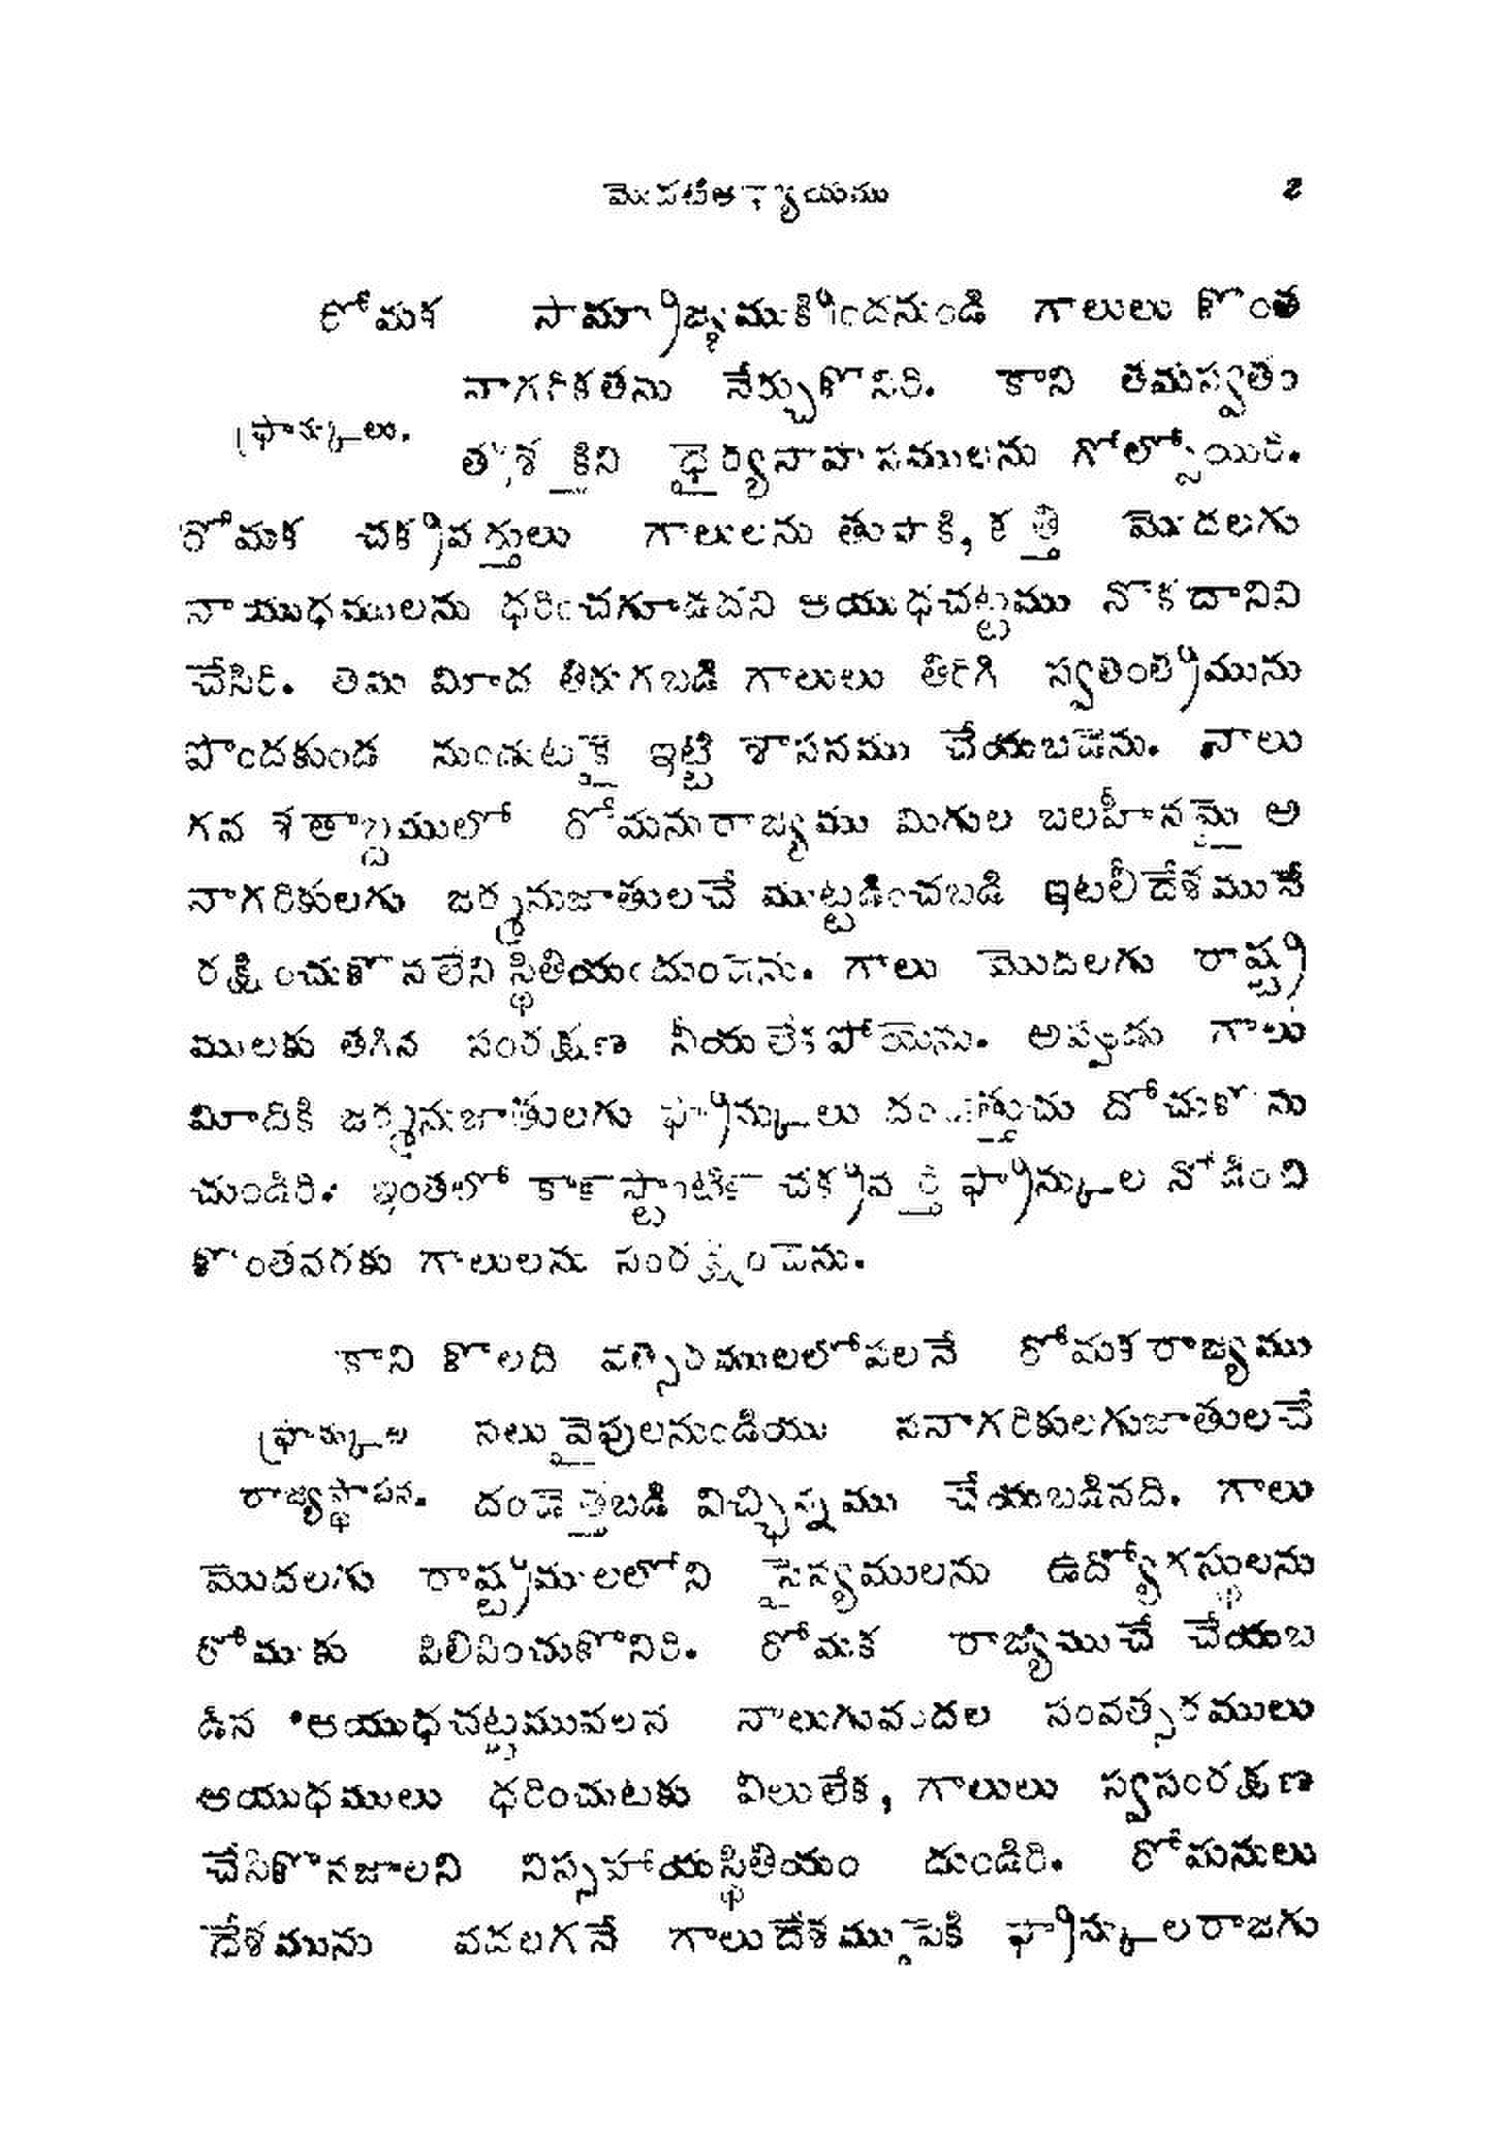రోమకసామ్రాజ్యము కిందనుండి గాలులు కొంత
నాగరికతను నేర్చుకొనిరి. కానీ తమస్వతం
త్రశక్తిని ధైర్యసాహసములను గోల్పోయిరి.
రోమక చక్రవర్తులు గాలులను తుపాకి, కత్తి మొదలగు 
ఆయుధములను ధరించగూడదని ఆయుదచట్టము నొక దానిని
చేసిరి. తమ మీద తిరగబడి గాలులు తిరిగి స్వతంత్రమును
పొందకుండ నుండుటకై ఇట్టి శాసనము చేయబడెను. నాలు
గవ శతాబ్దములో రోమను రాజ్యము మిగుల బలహీనమై ఆ
నాగరికులగు జర్మను జాతులచే ముట్టడించబడి ఇటలీ దేశమునే
రక్షించు కొన లేని స్థితియఁ దుండెను. గాలు మొదలగు రాష్ట్ర
ములకు తగిన సంరక్షణ నీయ లేక పోయెను. అప్పుడు గాలు
మీదికి జర్మను జాతులగు ప్రాన్కులు దండెత్తుచు దోచుకొను
చుండిరి. ఇంతలో కాన్ స్ట్రాటిన్" చక్రవర్తి. ఫ్రాన్కుల నోడించి
కొంతవరకు గాలులను సంరక్షించెను.

కాని కొలది వత్సరములలోపలనే రోమక రాజ్యము
నలు వైపులనుండియు ననాగరికులగుజాతులచే దండెత్తబడి విచ్ఛిన్నము చేయబడినది. 
గాలుమొదలగు రాష్ట్రము లలోని సైన్యములను ఉద్యోగస్తులను
రోమకు పిలిపించుకొనిరి. రోమక 'రాజ్యముచే చేయబడిన
ఆయుధ చట్టమువలన నాలుగువందల సంవత్సరములు
ఆయుధములు ధరించుటకు వీలు లేక , గాలులు స్వసంరక్షణ
చేసికొనజూలని నిస్సహాయ స్థితియందుండిరి.
రోమనులు దేశమును వదలగనే గాలు దేశము పైకి పాస్కులరాజగు